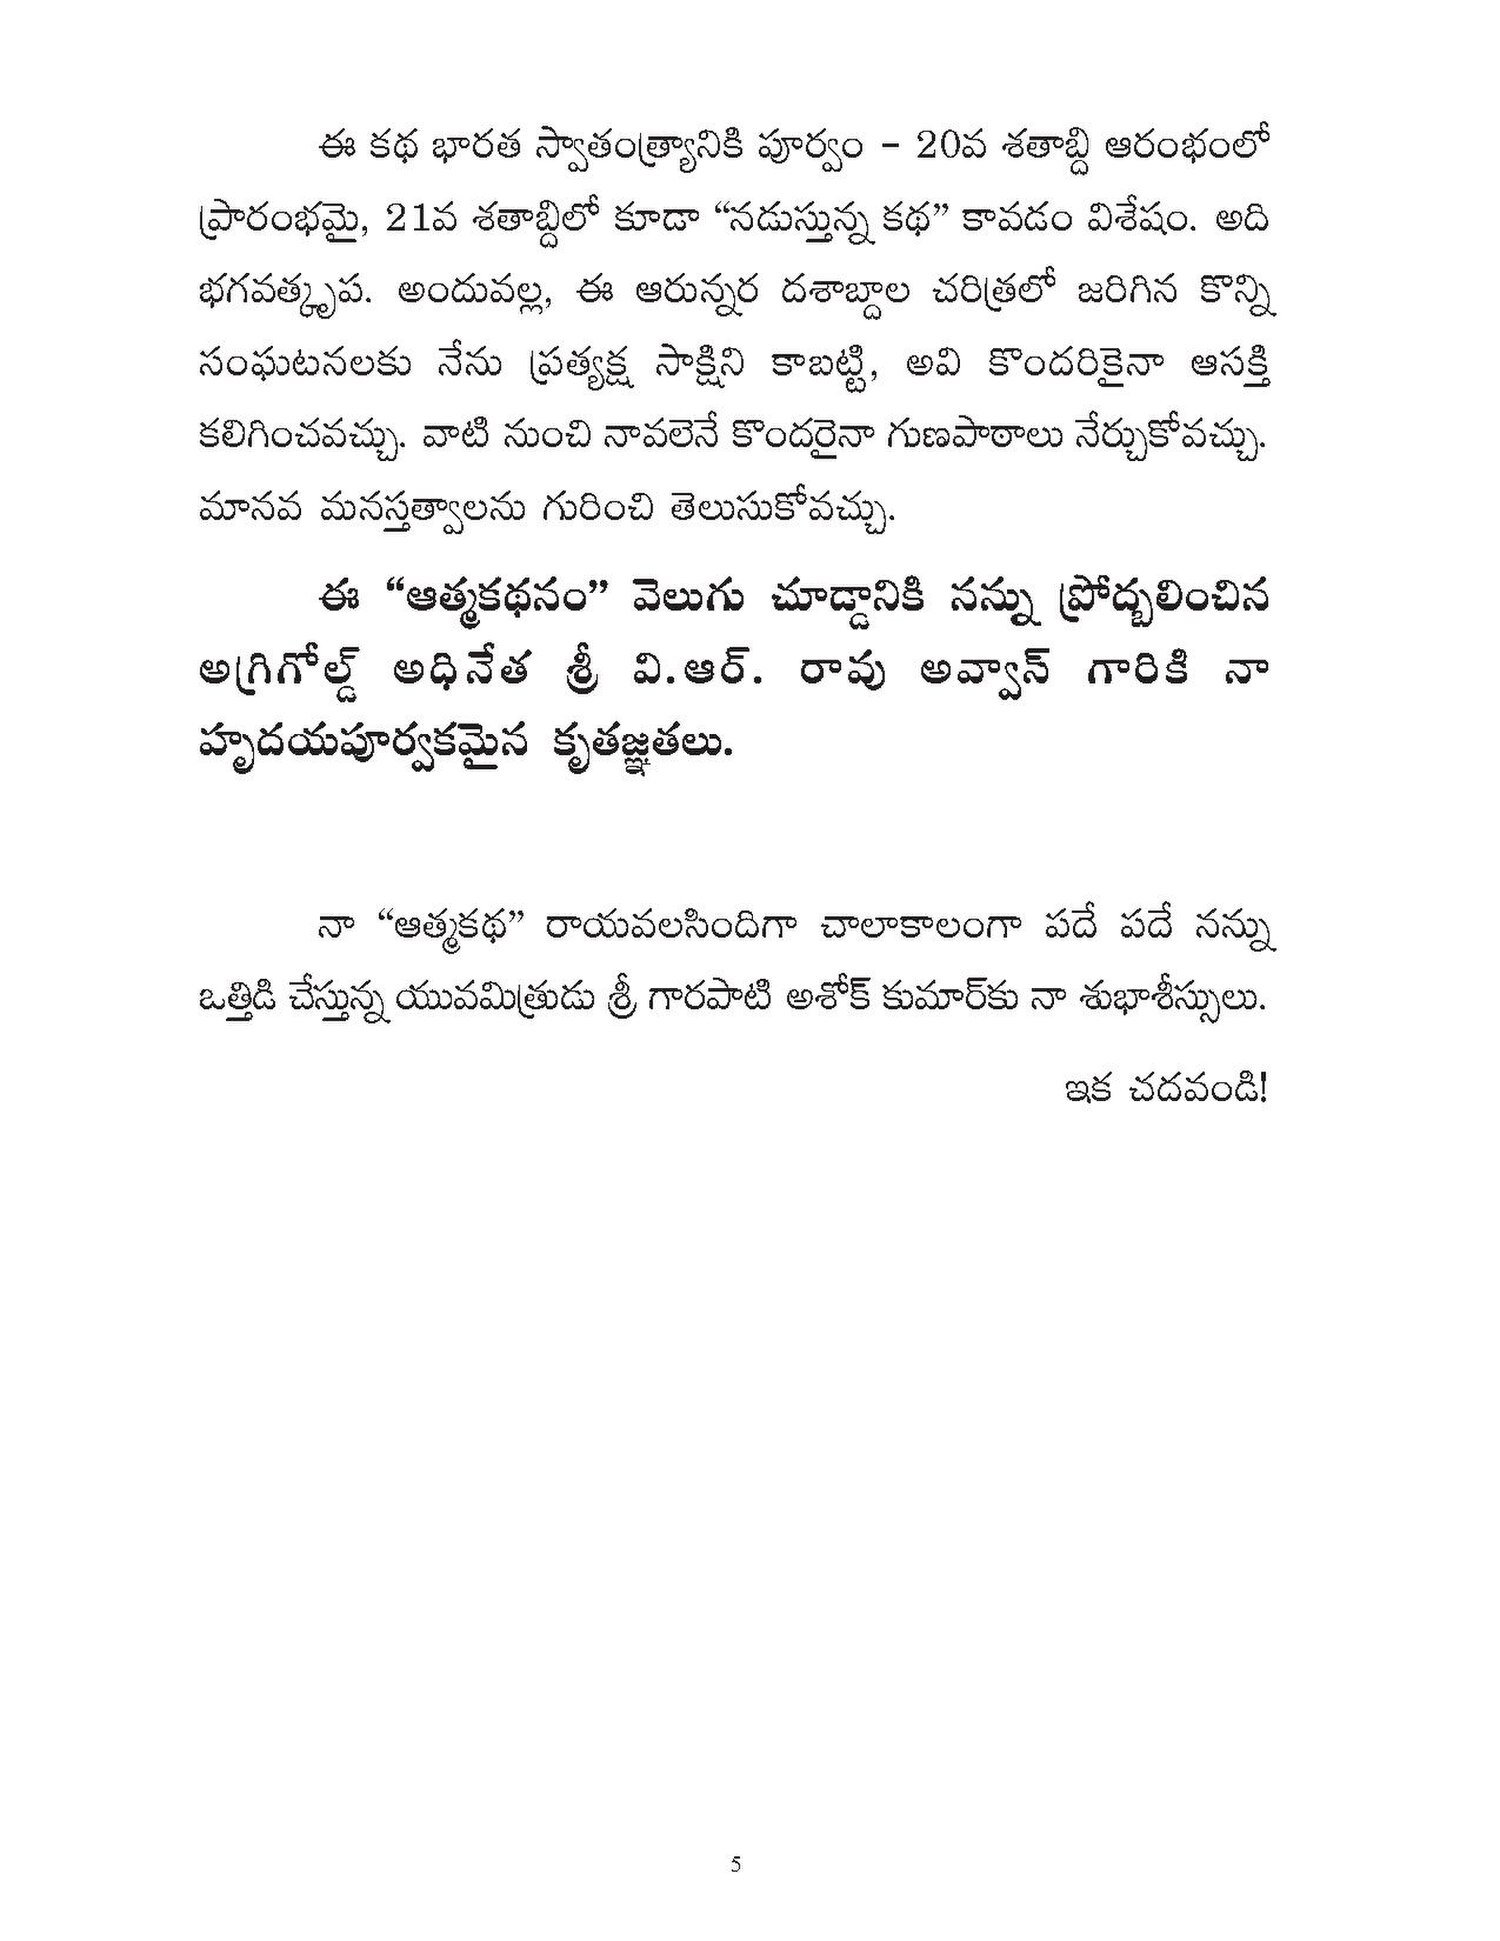ఈ కథ భారత స్వాతంత్య్రానికి పూర్వం - 20వ శతాబ్ది ఆరంభంలో
ప్రారంభమై, 21వ శతాబ్దిలో కూడా "నడుస్తున్న కథ" కావడం విశేషం. అది
భగవత్కృప. అందువల్ల, ఈ ఆరున్నర దశాబ్దాల చరిత్రలో జరిగిన కొన్ని
సంఘటనలకు నేను ప్రత్యక్ష సాక్షిని కాబట్టి, అవి కొందరికైనా ఆసక్తి
కలిగించవచ్చు. వాటి నుంచి నావలెనే కొందరైనా గుణపాఠాలు నేర్చుకోవచ్చు.
మానవ మనస్తత్వాలను గురించి తెలుసుకోవచ్చు.

ఈ "ఆత్మకథనం" వెలుగు చూడ్డనికి నన్ను ప్రోద్బలించిన
అగ్రిగోల్డ్‌ అధినేత శ్రీ వి.ఆర్‌. రావు అవ్వాస్‌ గారికి నా
హృదయపూర్వకమైన కృతజ్ఞతలు.

నా "ఆత్మకథ" రాయవలసిందిగా చాలాకాలంగా పదే పదే నన్ను
ఒత్తిడి చేస్తున్న యువమిత్రుడు శ్రీ గారపాటి అశోక్‌ కుమార్‌కు నా శుభాశీస్సులు.